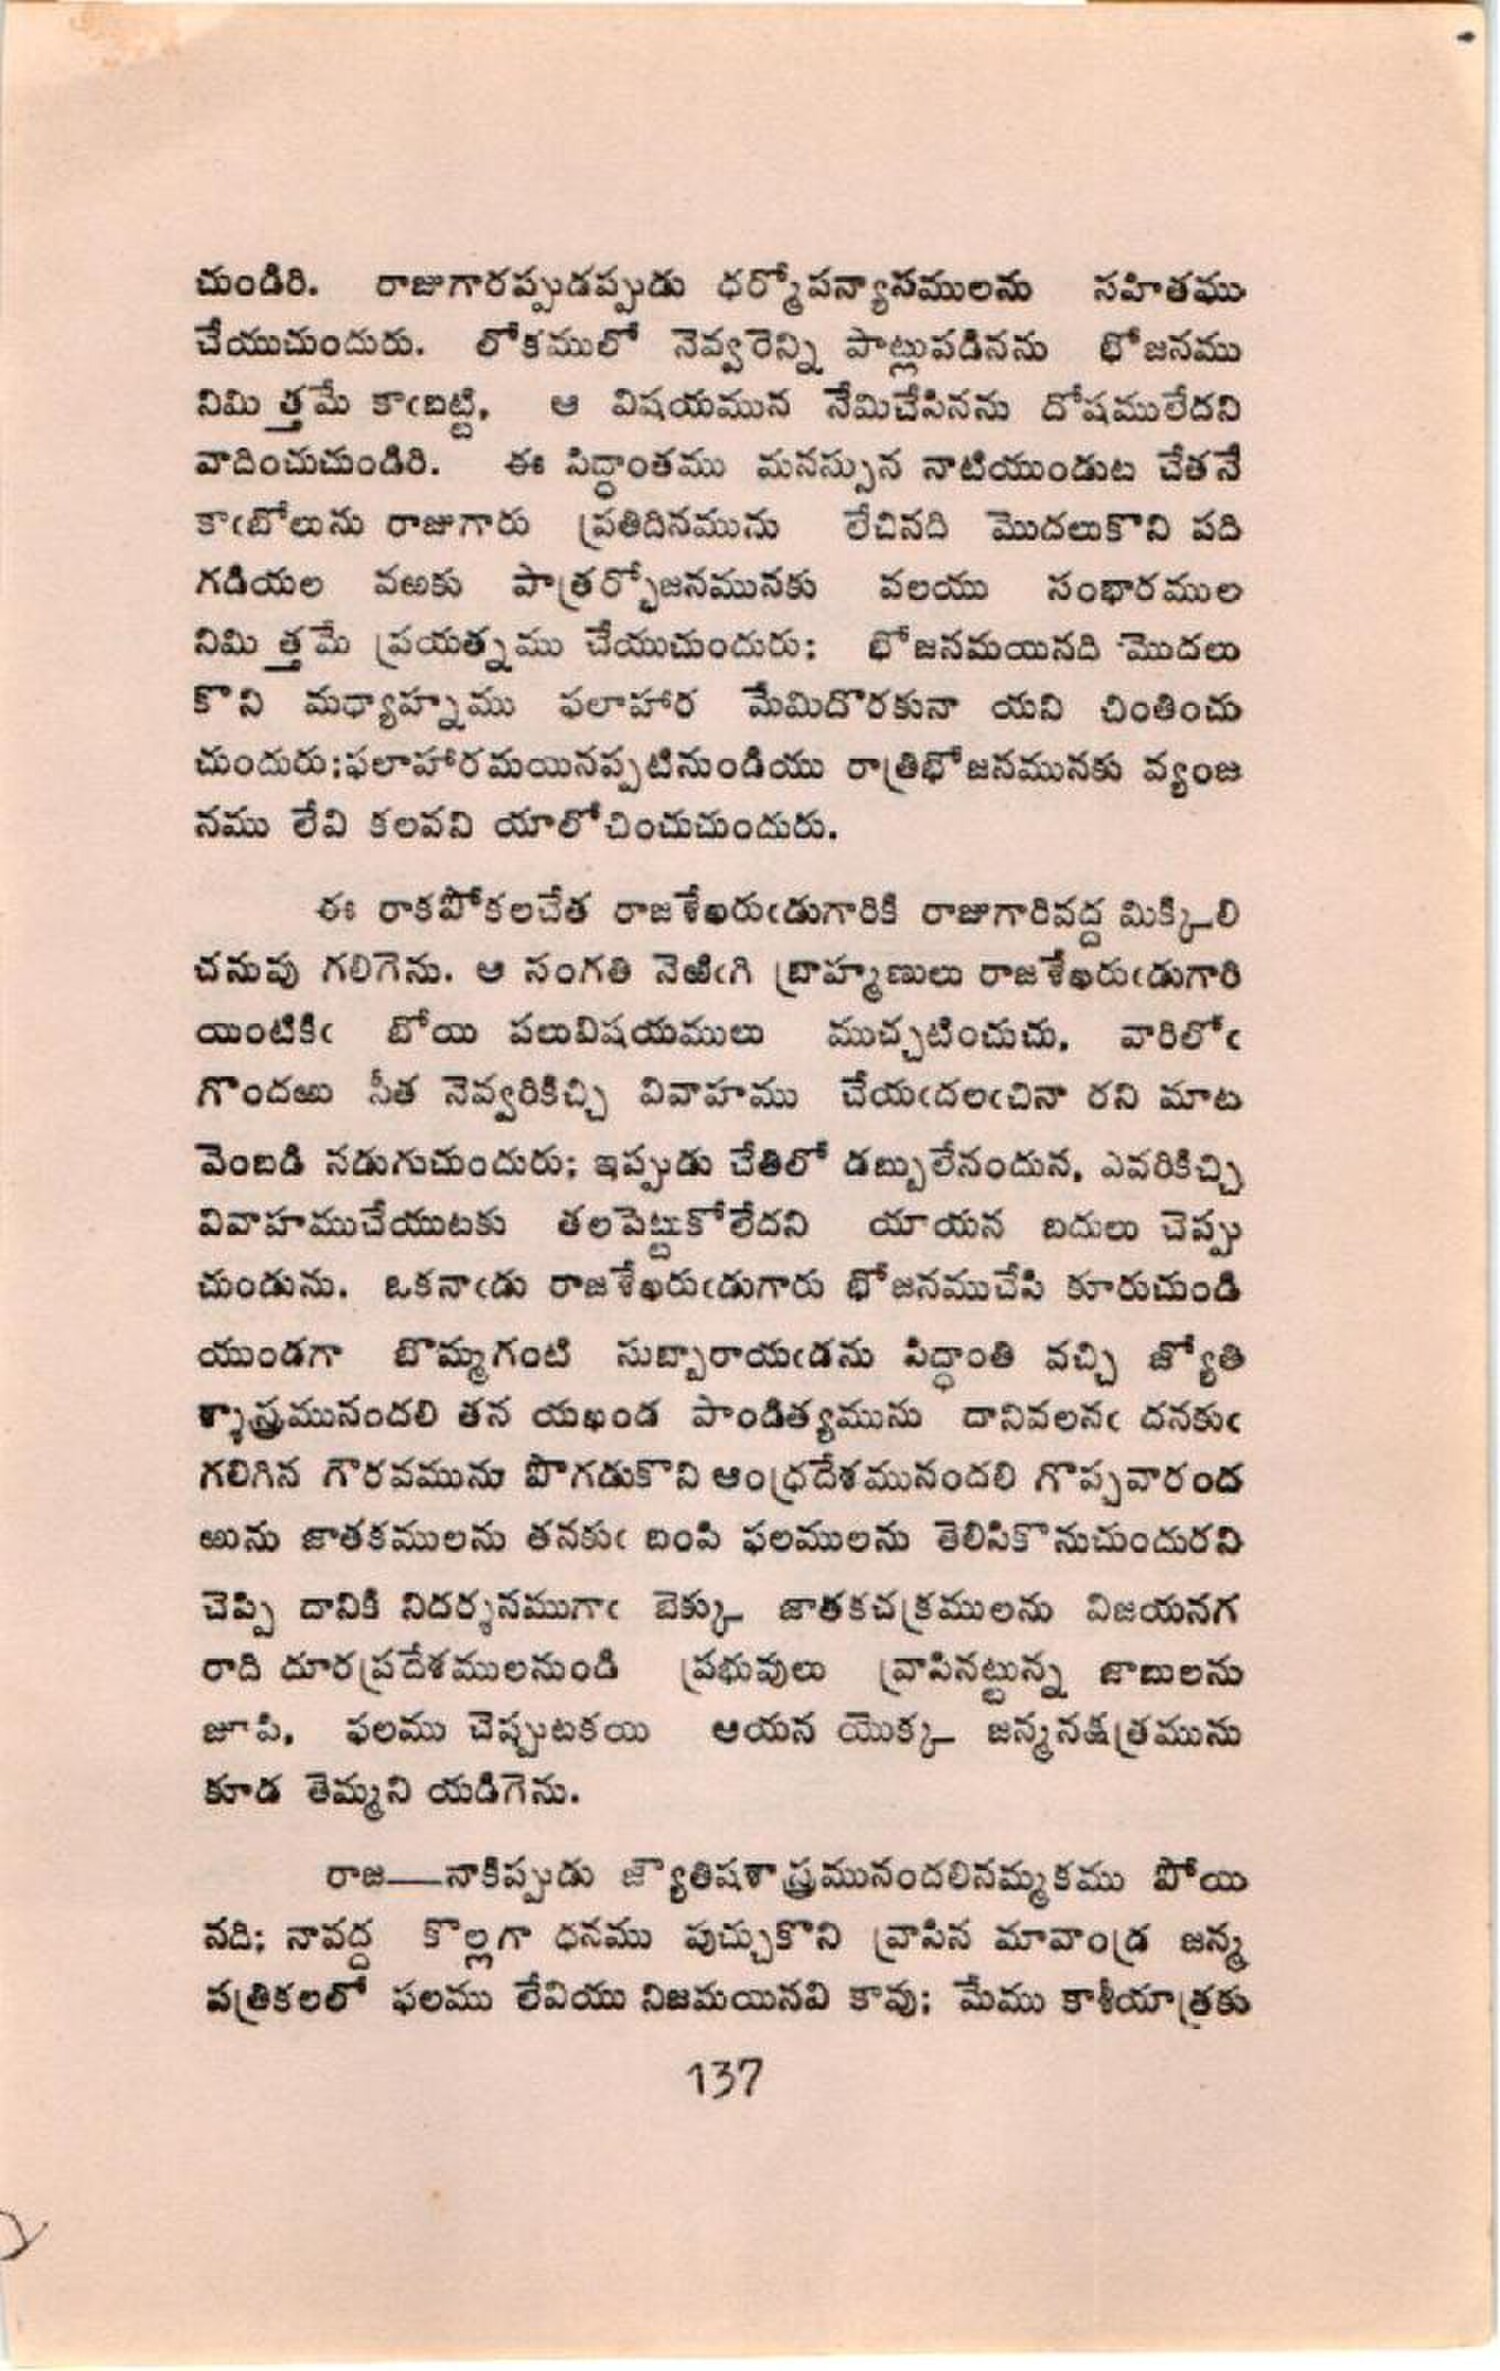చుండిరి. రాజుగారప్పుడప్పుడు ధర్మోపన్యానములను సహితము చేయుచుందురు. లోకములో నెవ్వరెన్ని పాట్లుపడినను భోజనము నిమి త్తమే కాఁబట్టి, ఆ విషయమున నేమిచేసినను దోషములేదని వాదించుచుండిరి. ఈ సిద్ధాంతము మనస్సున నాటియుండుట చేతనే కాఁబోలును రాజుగారు ప్రతిదినమును లేచినది మొదలుకొని పది గడియల వఱకు పాత్రర్భోజనమునకు వలయు సంభారముల నిమి త్తమే ప్రయత్నము చేయుచుందురు; భోజనమయినది మొదలు కొని మధ్యాహ్నము ఫలాహార మేమిదొరకునా యని చింతించు చుందురు;ఫలాహారమయినప్పటినుండియు రాత్రిభోజనమునకు వ్యంజ నము లేవి కలవని యాలోచించుచుందురు.

ఈ రాకపోకలచేత రాజశేఖరుడుగారికి రాజుగారివద్ద మిక్కిలి చనువు గలిగెను. ఆ సంగతి నెఱిగి బ్రాహ్మణులు రాజశేఖరుఁడుగారి యింటికిఁ బోయి పలువిషయములు ముచ్చటించుచు, వారిలోఁ గొందఱు సీత నెవ్వరికిచ్చి వివాహము చేయఁదలఁచినా రని మాట వెంబడి నడుగుచుందురు. ఇప్పుడు చేతిలో డబ్బులేనందున, ఎవరికిచ్చి వివాహముచేయుటకు తలపెట్టుకోలేదని యాయన బదులు చెప్పుచుండును. ఒకనాడు రాజశేఖరుడుగారు భోజనముచేసి కూరుచుండి యుండగా బొమ్మగంటి సుబ్బారాయఁడను సిద్ధాంతి వచ్చి జ్యోతి శ్శాస్త్రమునందలి తన యఖండ పాండిత్యమును దానివలనఁ దనకుఁ గలిగిన గౌరవమును పొగడుకొని ఆంధ్రదేశమునందలి గొప్పవారంద ఱును జాతకములను తనకుఁ బంపి ఫలములను తెలిసికొనుచుందురని చెప్పి దానికి నిదర్శనముగా బెక్కు- జాతకచక్రములను విజయనగ రాది దూరప్రదేశములనుండి ప్రభువులు వ్రాసినట్టున్న జాబులను జూపి, ఫలము చెప్పుటకయి ఆయన యొక్క జన్మనక్షత్రమును కూడ తెమ్మని యడిగెను.

రాజ__నాకిప్పడు జ్యౌతిషశాస్త్రమునందలినమ్మకము పోయి
నది; నావద్ద కొల్లగా ధనము పుచ్చుకొని వ్రాసిన మావాండ్ర జన్మ పత్రికలలో ఫలము లేవియు నిజమయినవి కావు; మేము కాశీయాత్రకు